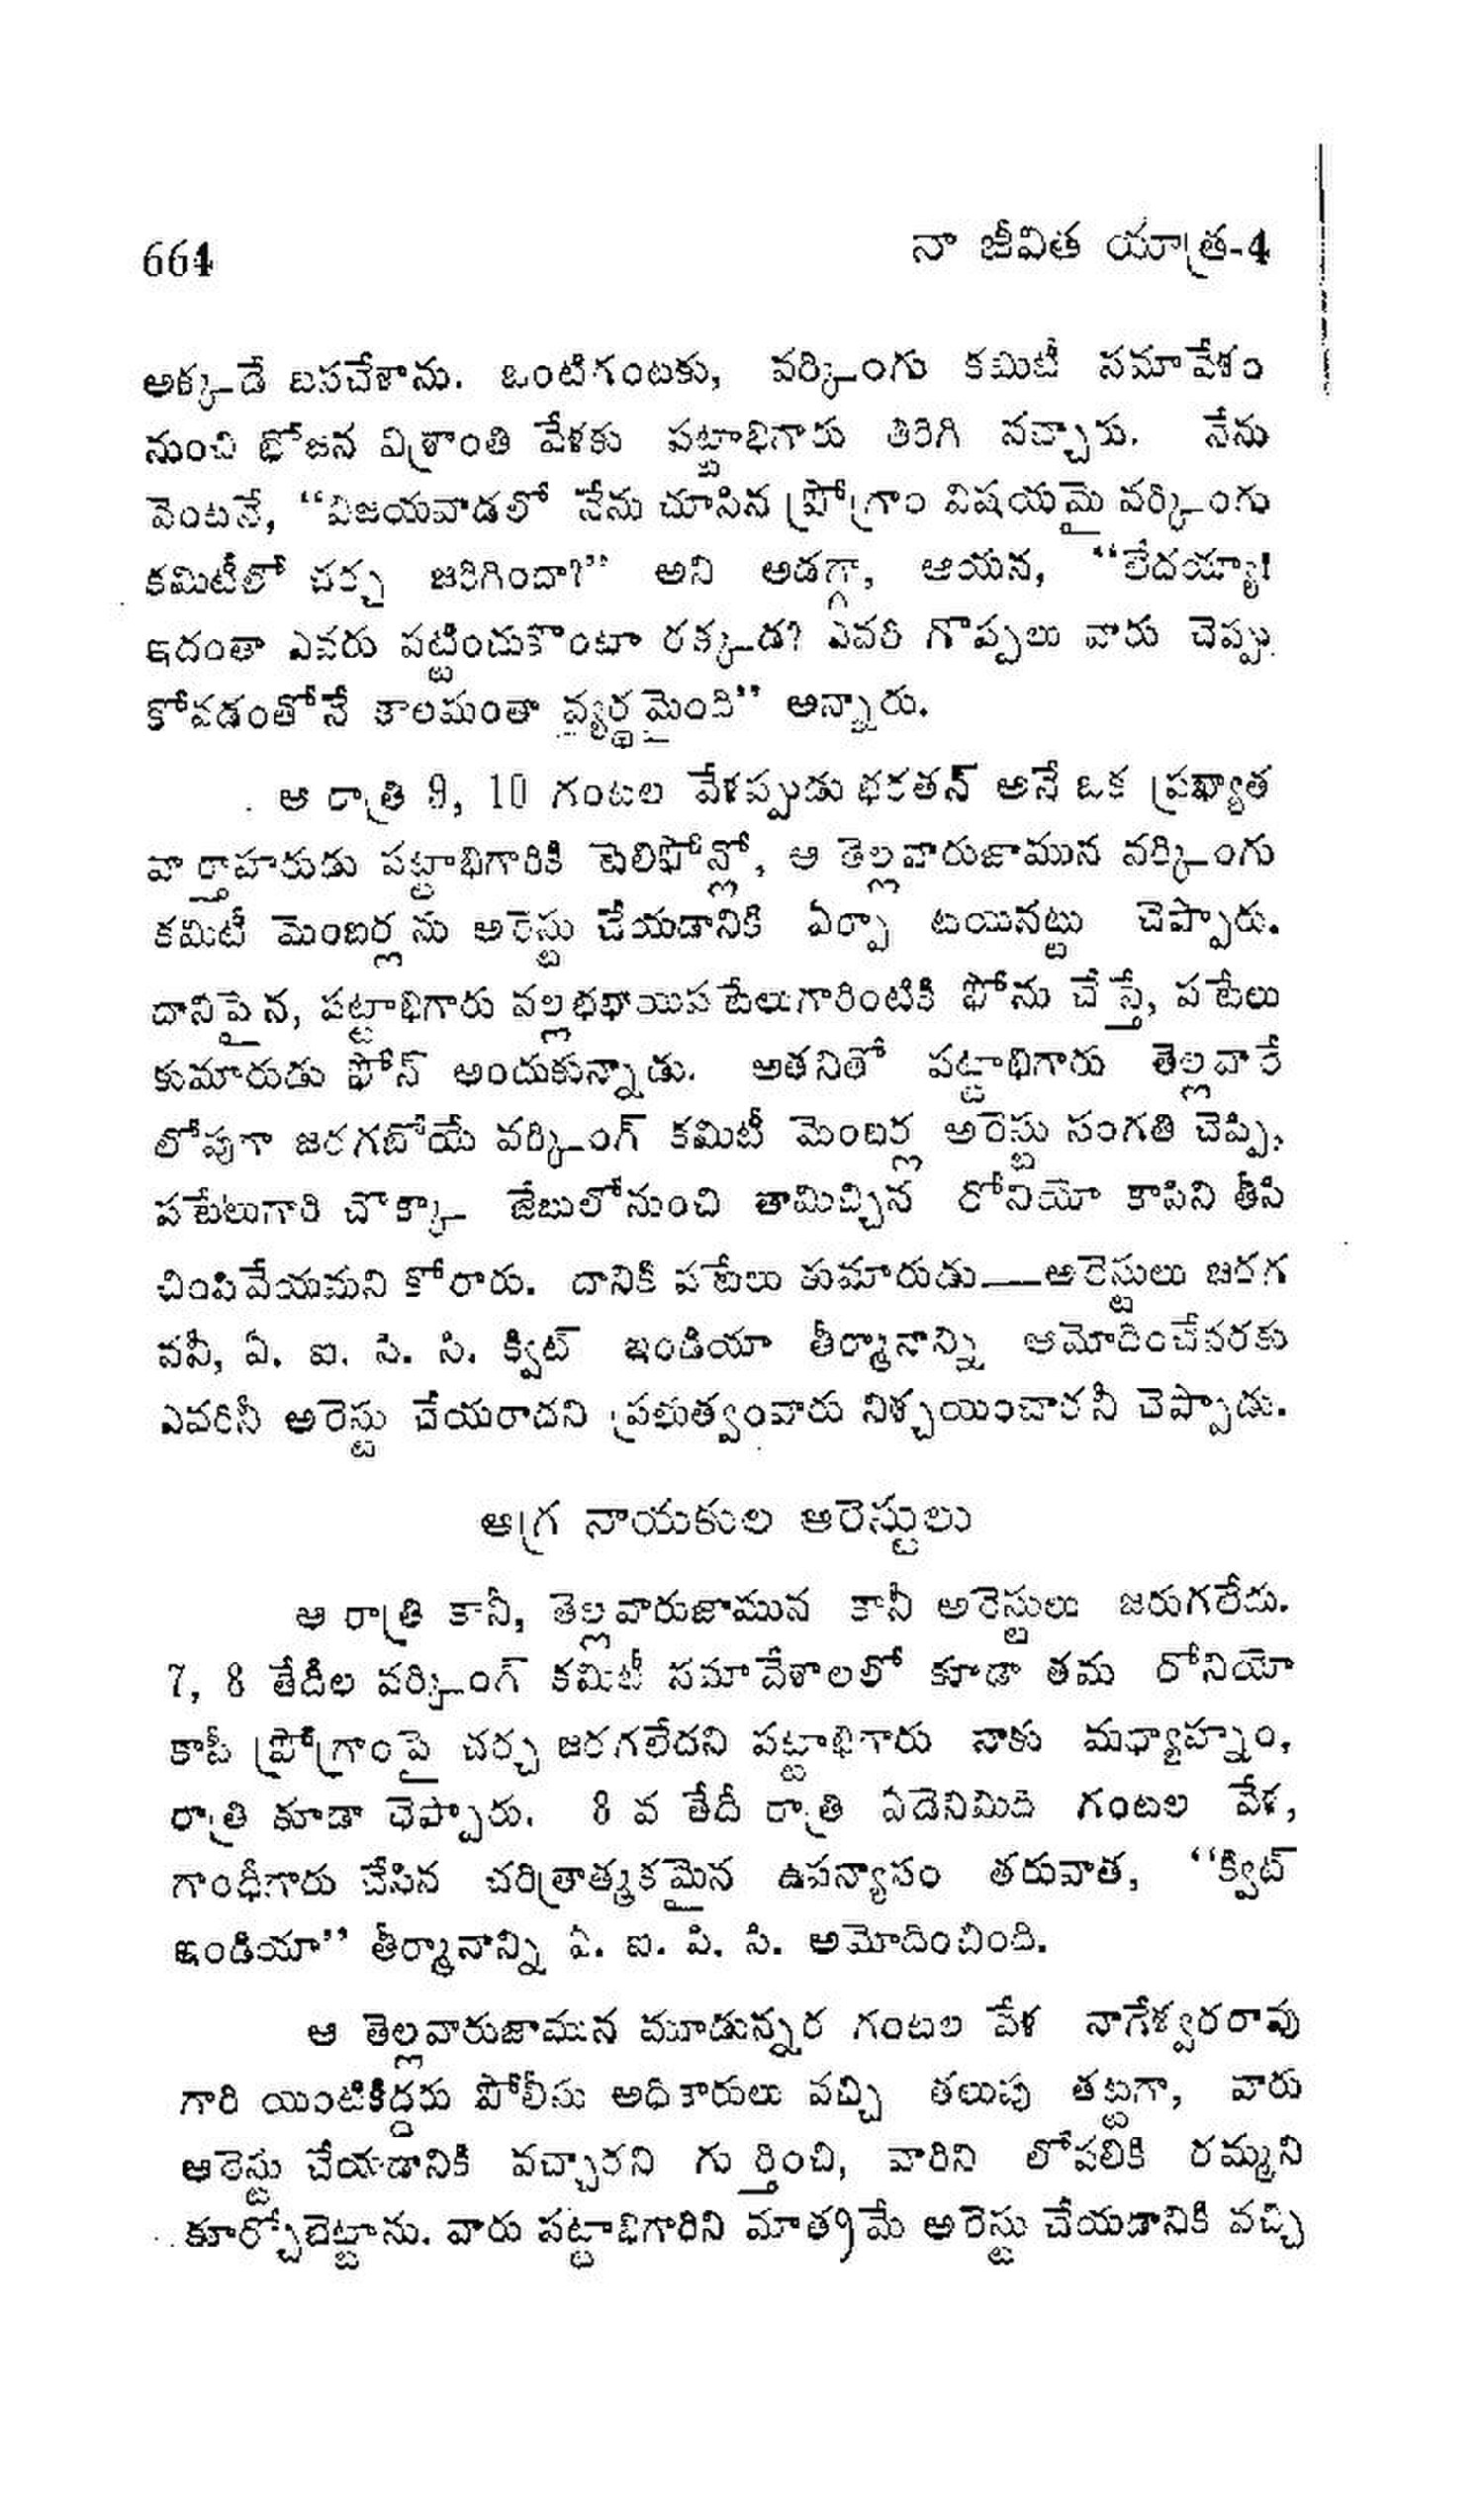అక్కడే బసచేశాను. ఒంటిగంటకు, వర్కింగు కమిటీ సమావేశం నుంచి భోజన విశ్రాంతి వేళకు పట్టాభిగారు తిరిగి వచ్చారు. నేను వెంటనే, "విజయవాడలో నేను చూసిన ప్రోగ్రాం విషయమై వర్కింగు కమిటీలో చర్చ జరిగిందా?" అని అడగ్గా, ఆయన, "లేదయ్యా! ఇదంతా ఎవరు పట్టించుకొంటా రక్కడ? ఎవరి గొప్పలు వారు చెప్పుకోవడంతోనే కాలమంతా వ్యర్థమైంది" అన్నారు.

ఆ రాత్రి 9, 10 గంటల వేళప్పుడు భరతన్ అనే ఒక ప్రఖ్యాత వార్తాహరుడు పట్టాభిగారికి టెలిపోన్లో, ఆ తెల్లవారుజామున వర్కింగు కమిటీ మెంబర్లను అరెస్టు చేయడానికి ఏర్పా టయినట్టు చెప్పారు. దానిపైన, పట్టాభిగారు వల్లభభాయిపటేలు గారింటికి పోను చేస్తే, పటేలు కుమారుడు ఫోన్ అందుకున్నాడు. అతనితో పట్టాభిగారు తెల్లవారేలోపుగా జరగబోయే వర్కింగ్ కమిటీ మెంబర్ల అరెస్టు సంగతి చెప్పి, పటేలుగారి చొక్కా జేబులో నుంచి తామిచ్చిన రోనియో కాపిని తీసి చింపివేయమని కోరారు. దానికి పటేలు కుమారుడు - అరెస్టులు జరగవనీ, ఏ.ఐ.సి.సి. క్విట్ ఇండియా తీర్మానాన్ని ఆమోదించే వరకు ఎవరినీ అరెస్టు చేయరాదని ప్రభుత్వంవారు నిశ్చయించారనీ చెప్పాడు.

ఆ రాత్రి కానీ, తెల్లవారుజామున కానీ అరెస్టులు జరుగలేదు. 7,8, తేదీల వర్కింగ్ కమిటీ సమావేశాలలో కూడా తమ రోనియో కాపీ ప్రోగ్రాంపై చర్చ జరగలేదని పట్టాభిగారు నాకు మధ్యాహ్నం, రాత్రి కూడ చెప్పారు. 8 వ తేదీ రాత్రి ఏడెనిమిది గంటల వేళ, గాంధీగారు చేసిన చరిత్రాత్మకమైన ఉపన్యాసం తరువాత, "క్విట్ ఇండియా" తీర్మానాన్ని ఏ.ఐ.సి.సి. ఆమోదించింది.

ఆ తెల్లవారుజామున మూడున్నర గంటల వేళ నాగేశ్వరరావు గారి యింటికిద్దరు పోలీసు అధికారులు వచ్చి తలుపు తట్టగా, వారు అరెస్టు చేయడానికి వచ్చారని గుర్తించి, వారిని లోపలికి రమ్మని కూర్చోబెట్టాను. వారు పట్టాభిగారిని మాత్రమే అరెస్టు చేయడానికి వచ్చి